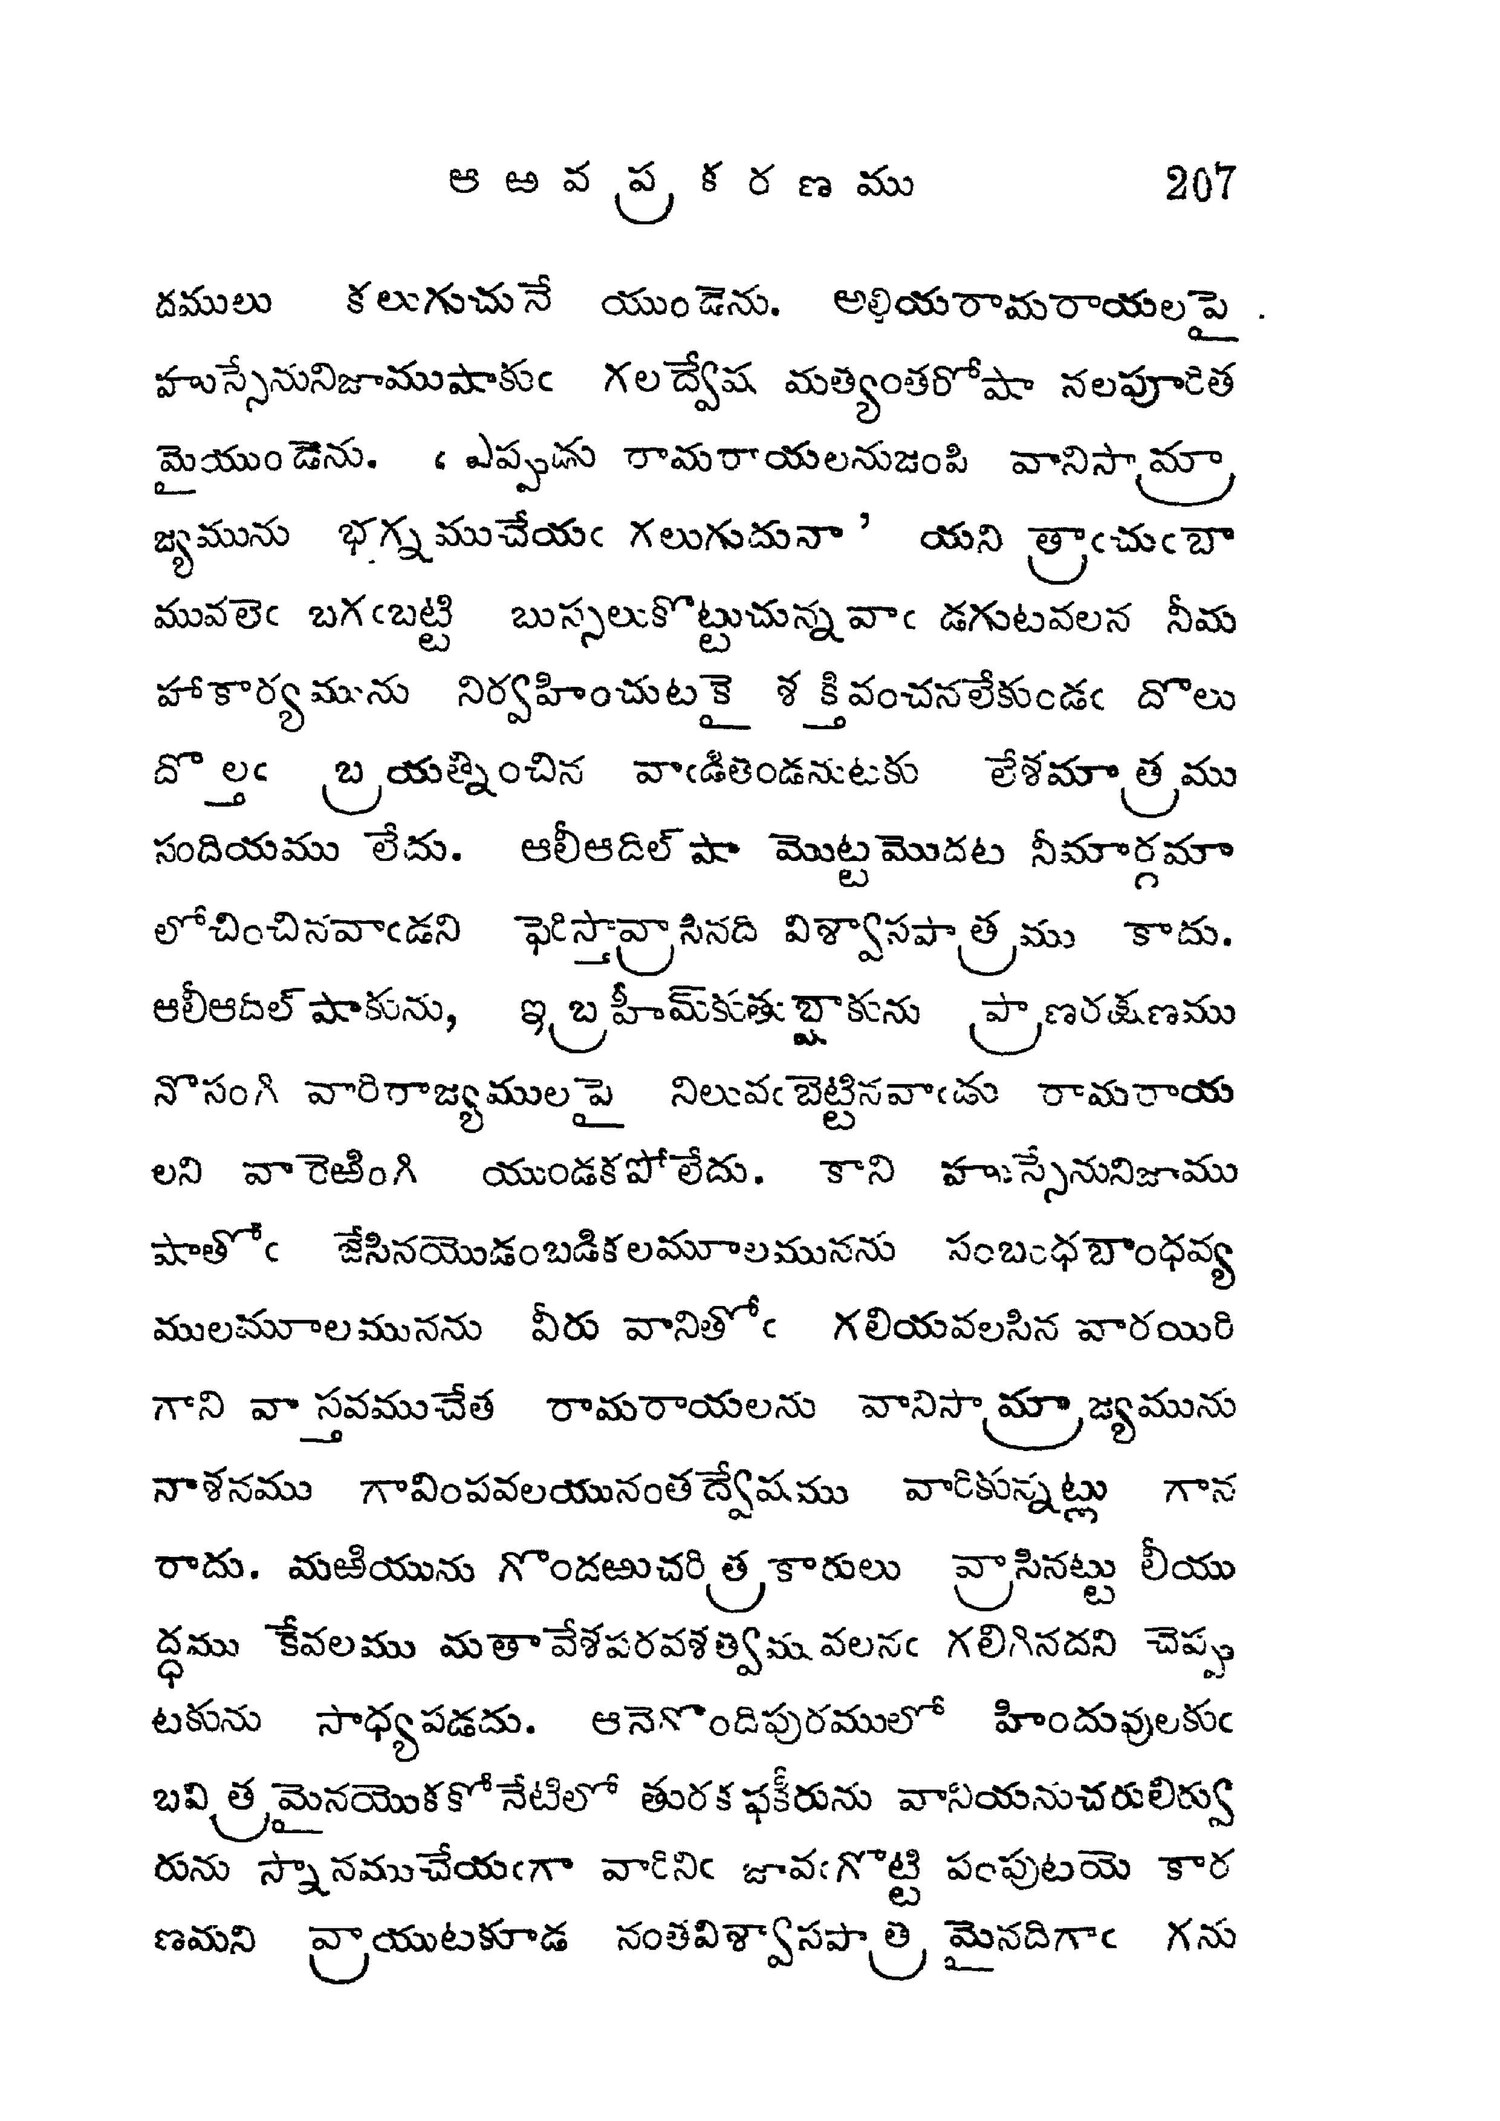దములు కలుగుచునే యుండెను. అళియరామరాయలపై హుస్సేనునిజాముషాకు గలద్వేష మత్యంతరోషా నలపూరితమైయుండెను. 'ఎప్పుడు రామరాయలనుజంపి వానిసామ్రాజ్యమును భగ్నముచేయ గలుగుదునా' యని త్రాచుబామువలె బగబట్టి బుస్సలుకొట్టుచున్నవా డగుటవలన నీమహాకార్యమును నిర్వహించుటకై శక్తివంచనలేకుండ దొలుదొల్త బ్రయత్నించిన వా డితండనుటకు లేశమాత్రము సందియము లేదు. ఆలీఆదిల్‌షా మొట్టమొదట నీమార్గమాలోచించినవాడని ఫెరిస్తావ్రాసినది విశ్వాసపాత్రము కాదు. ఆలీఆదిల్‌షాకును, ఇబ్రహీమ్‌కుతుబ్షాకును ప్రాణరక్షణము నొసంగి వారిరాజ్యములపై నిలువబెట్టినవాడు రామరాయలని వారెఱింగి యుండకపోలేదు. కాని హుస్సేనునిజాముషాతో జేసినయొడంబడికల మూలమునను సంబంధబాంధవ్యముల మూలమునను వీరు వానితో గలియవలసిన వారయిరి గాని వాస్తవముచేత రామరాయలను వానిసామ్రాజ్యమును నాశనము గావింపవలయునంతద్వేషము వారికున్నట్లు గానరాదు. మఱియును గొందఱుచరిత్రకారులు వ్రాసినట్టు లీయుద్ధము కేవలము మతావేశపరవశత్వమువలన గలిగినదని చెప్పుటకును సాధ్యపడదు. ఆనెగొందిపురములో హిందువులకు బవిత్రమైనయొకకోనేటిలో తురకఫకీరును వానియనుచరులిర్వురును స్నానముచేయగా వారిని జావగొట్టి పంపుటయె కారణమని వ్రాయుటకూడ నంతవిశ్వాసపాత్ర మైనదిగా గను